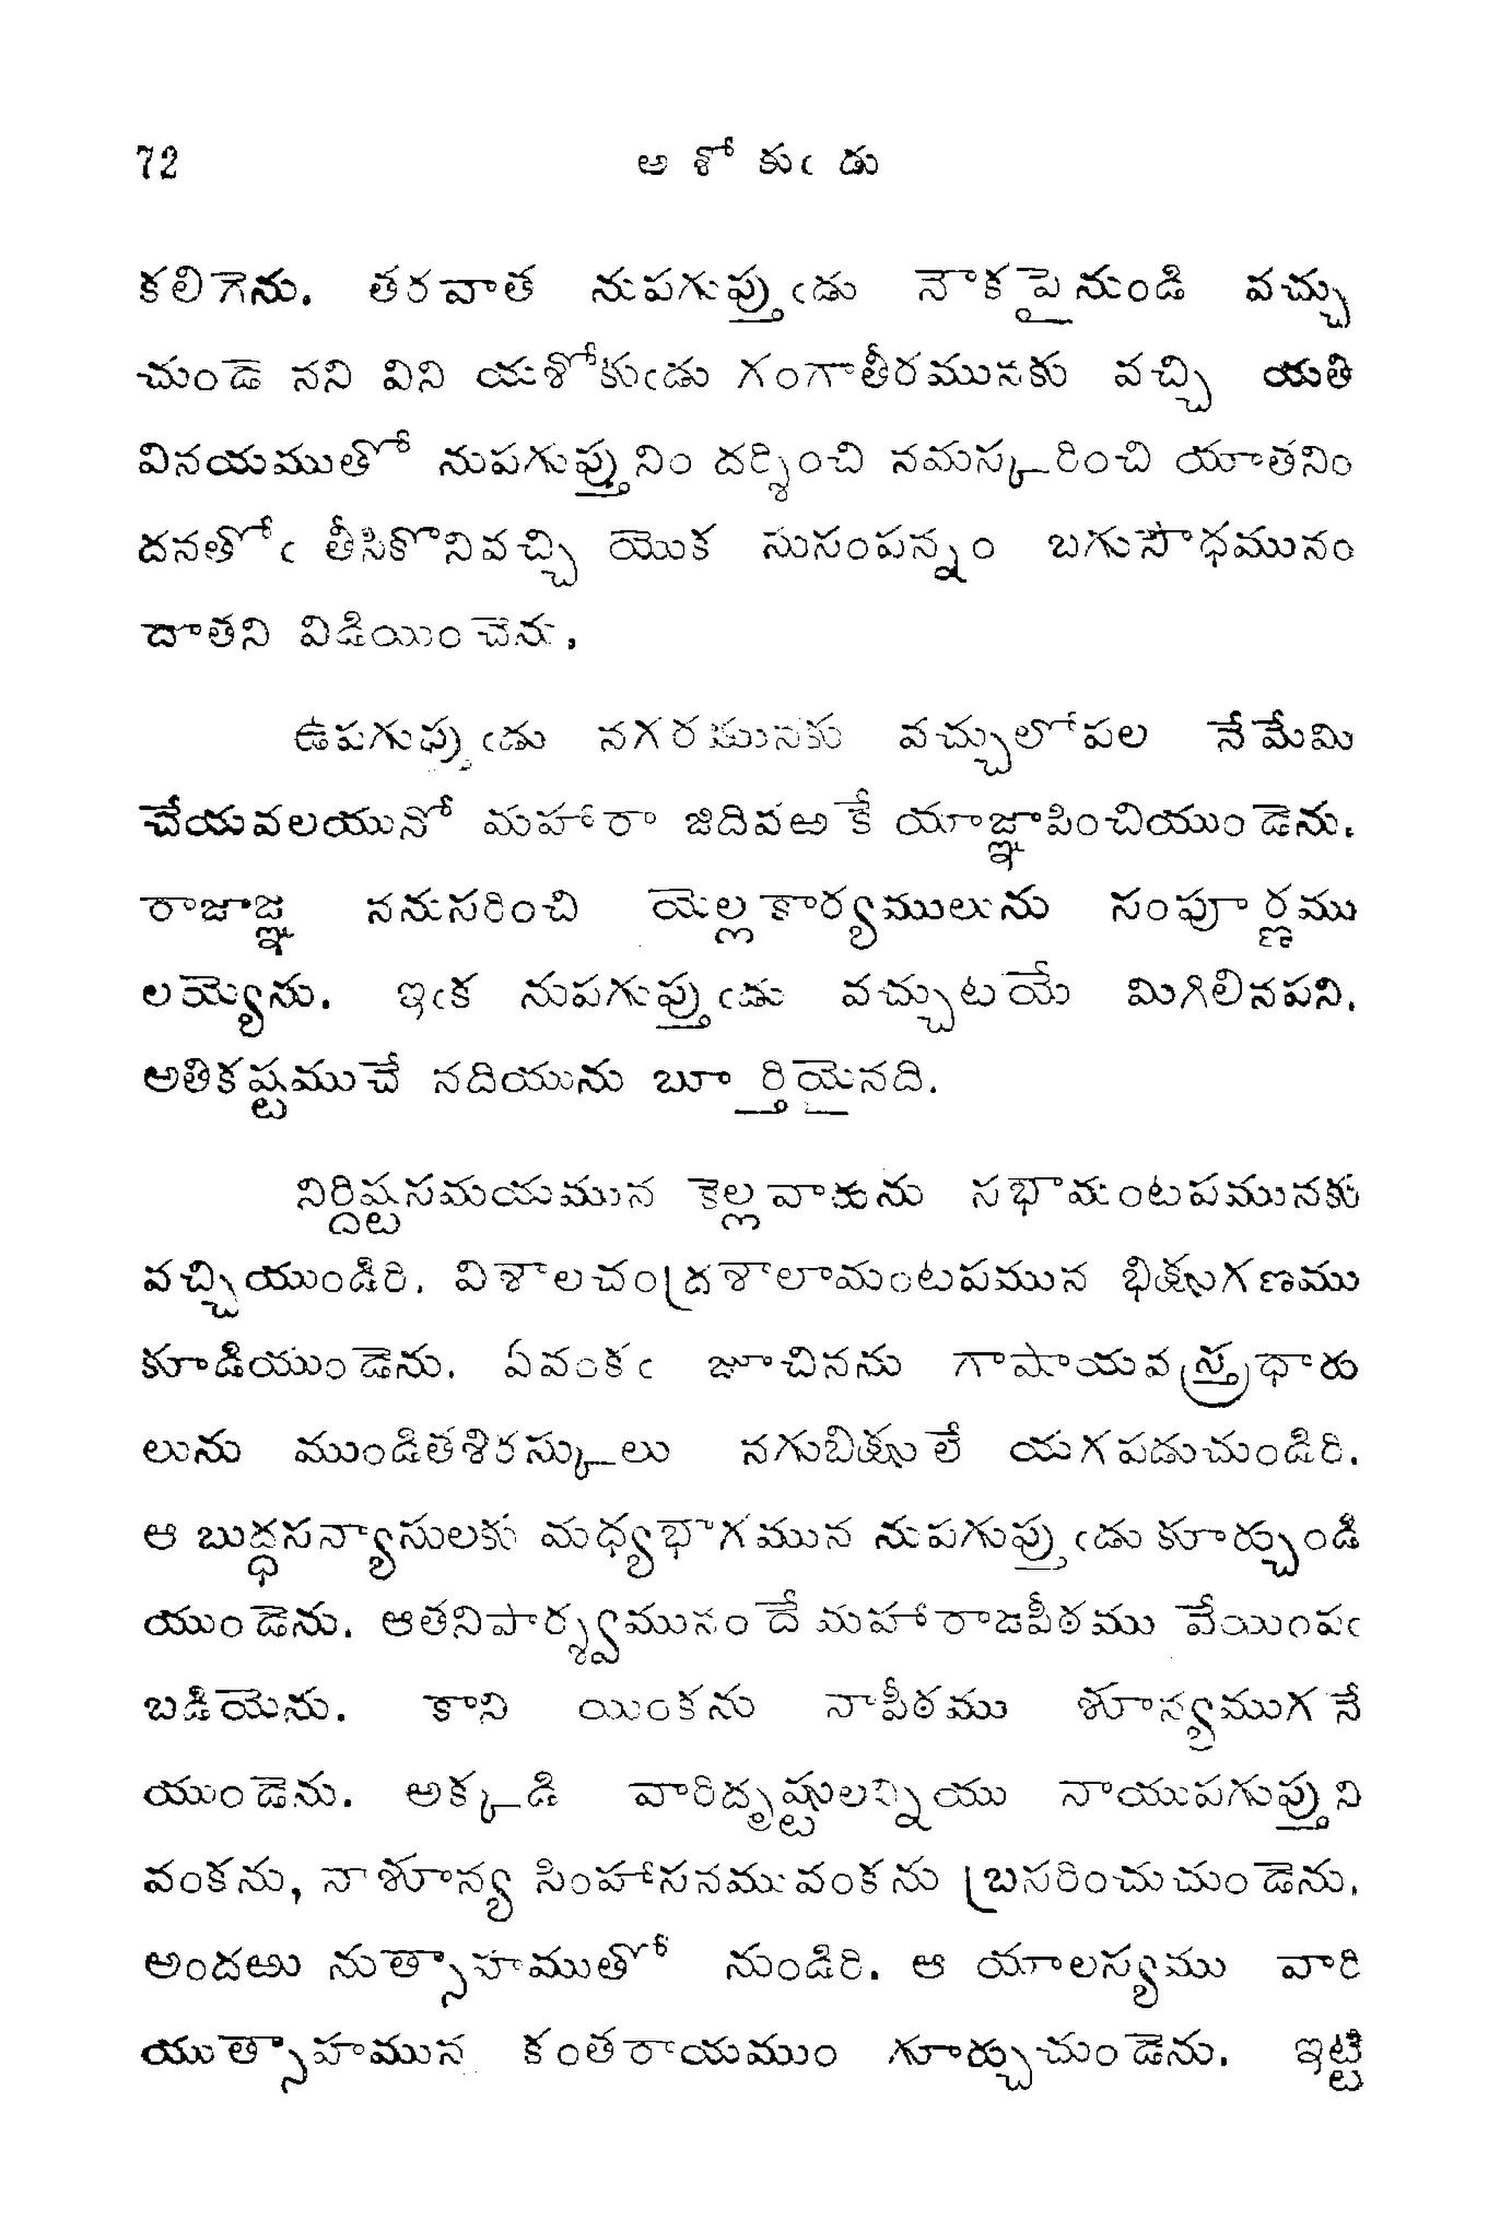కలిగెను. తరవాత నుపగుప్తుఁడు నౌక పై నుండి వచ్చుచుండె నని విని యశోకుఁడు గంగా తీరమునకు వచ్చి యతి వినయముతో నుపగుప్తునిం దర్శించి నమస్కరించి యాతనిం
దనతోఁ తీసికొని వచ్చి యొక సుసంపన్నం బగు సౌధమునం దాతని విడియించెను.

ఉపగుప్తుఁడు నగరమునకు వచ్చులోపల నే మేమి చేయవలయునో మహా రా జిదివఱకే యాజ్ఞాపించి యుం డెను. రాజాజ్ఞ ననుసరించి యెల్ల కార్యములు ను సంపూర్ణము లయ్యెను. ఇఁక నుపగుప్తుడు వచ్చుటయే మిగిలినపని, అతికష్టము చే నదియును బూర్తియైనది.

నిర్దిష్ట సమయమున కెల్ల వారును సభామంటపమునకు వచ్చి యుండిరి. విశాల చంద్రశాలా మంటపమున భిక్షుగణము కూడియుండెను. ఏవంకఁ జూచినను గాషాయవస్త్ర ధారులును ముండితశిరస్కులు నగుబిక్షు లే యగపడుచుండిరి. ఆ బుద్ధసన్యాసులకు మధ్య భాగమున నుపగుప్తుఁడు కూర్చుండి యుండెను. అతని పార్శ్వముసందే మహా రాజపీఠము వేయింపఁ
బడియెను. కాని యింకను నా పీఠము శూన్యముగ నే యుండెను. అక్కడి వారి దృష్టులన్నియు నాయుపగుప్తుని వంకను, నాశూన్య సింహాసనము వంకను బ్రసరించుచుండెను, అందఱు నుత్సాహముతో నుండిరి. ఆ యాలస్యము వారి యుత్సాహమున కంతరాయముం గూర్చుచుండెను. ఇట్టి